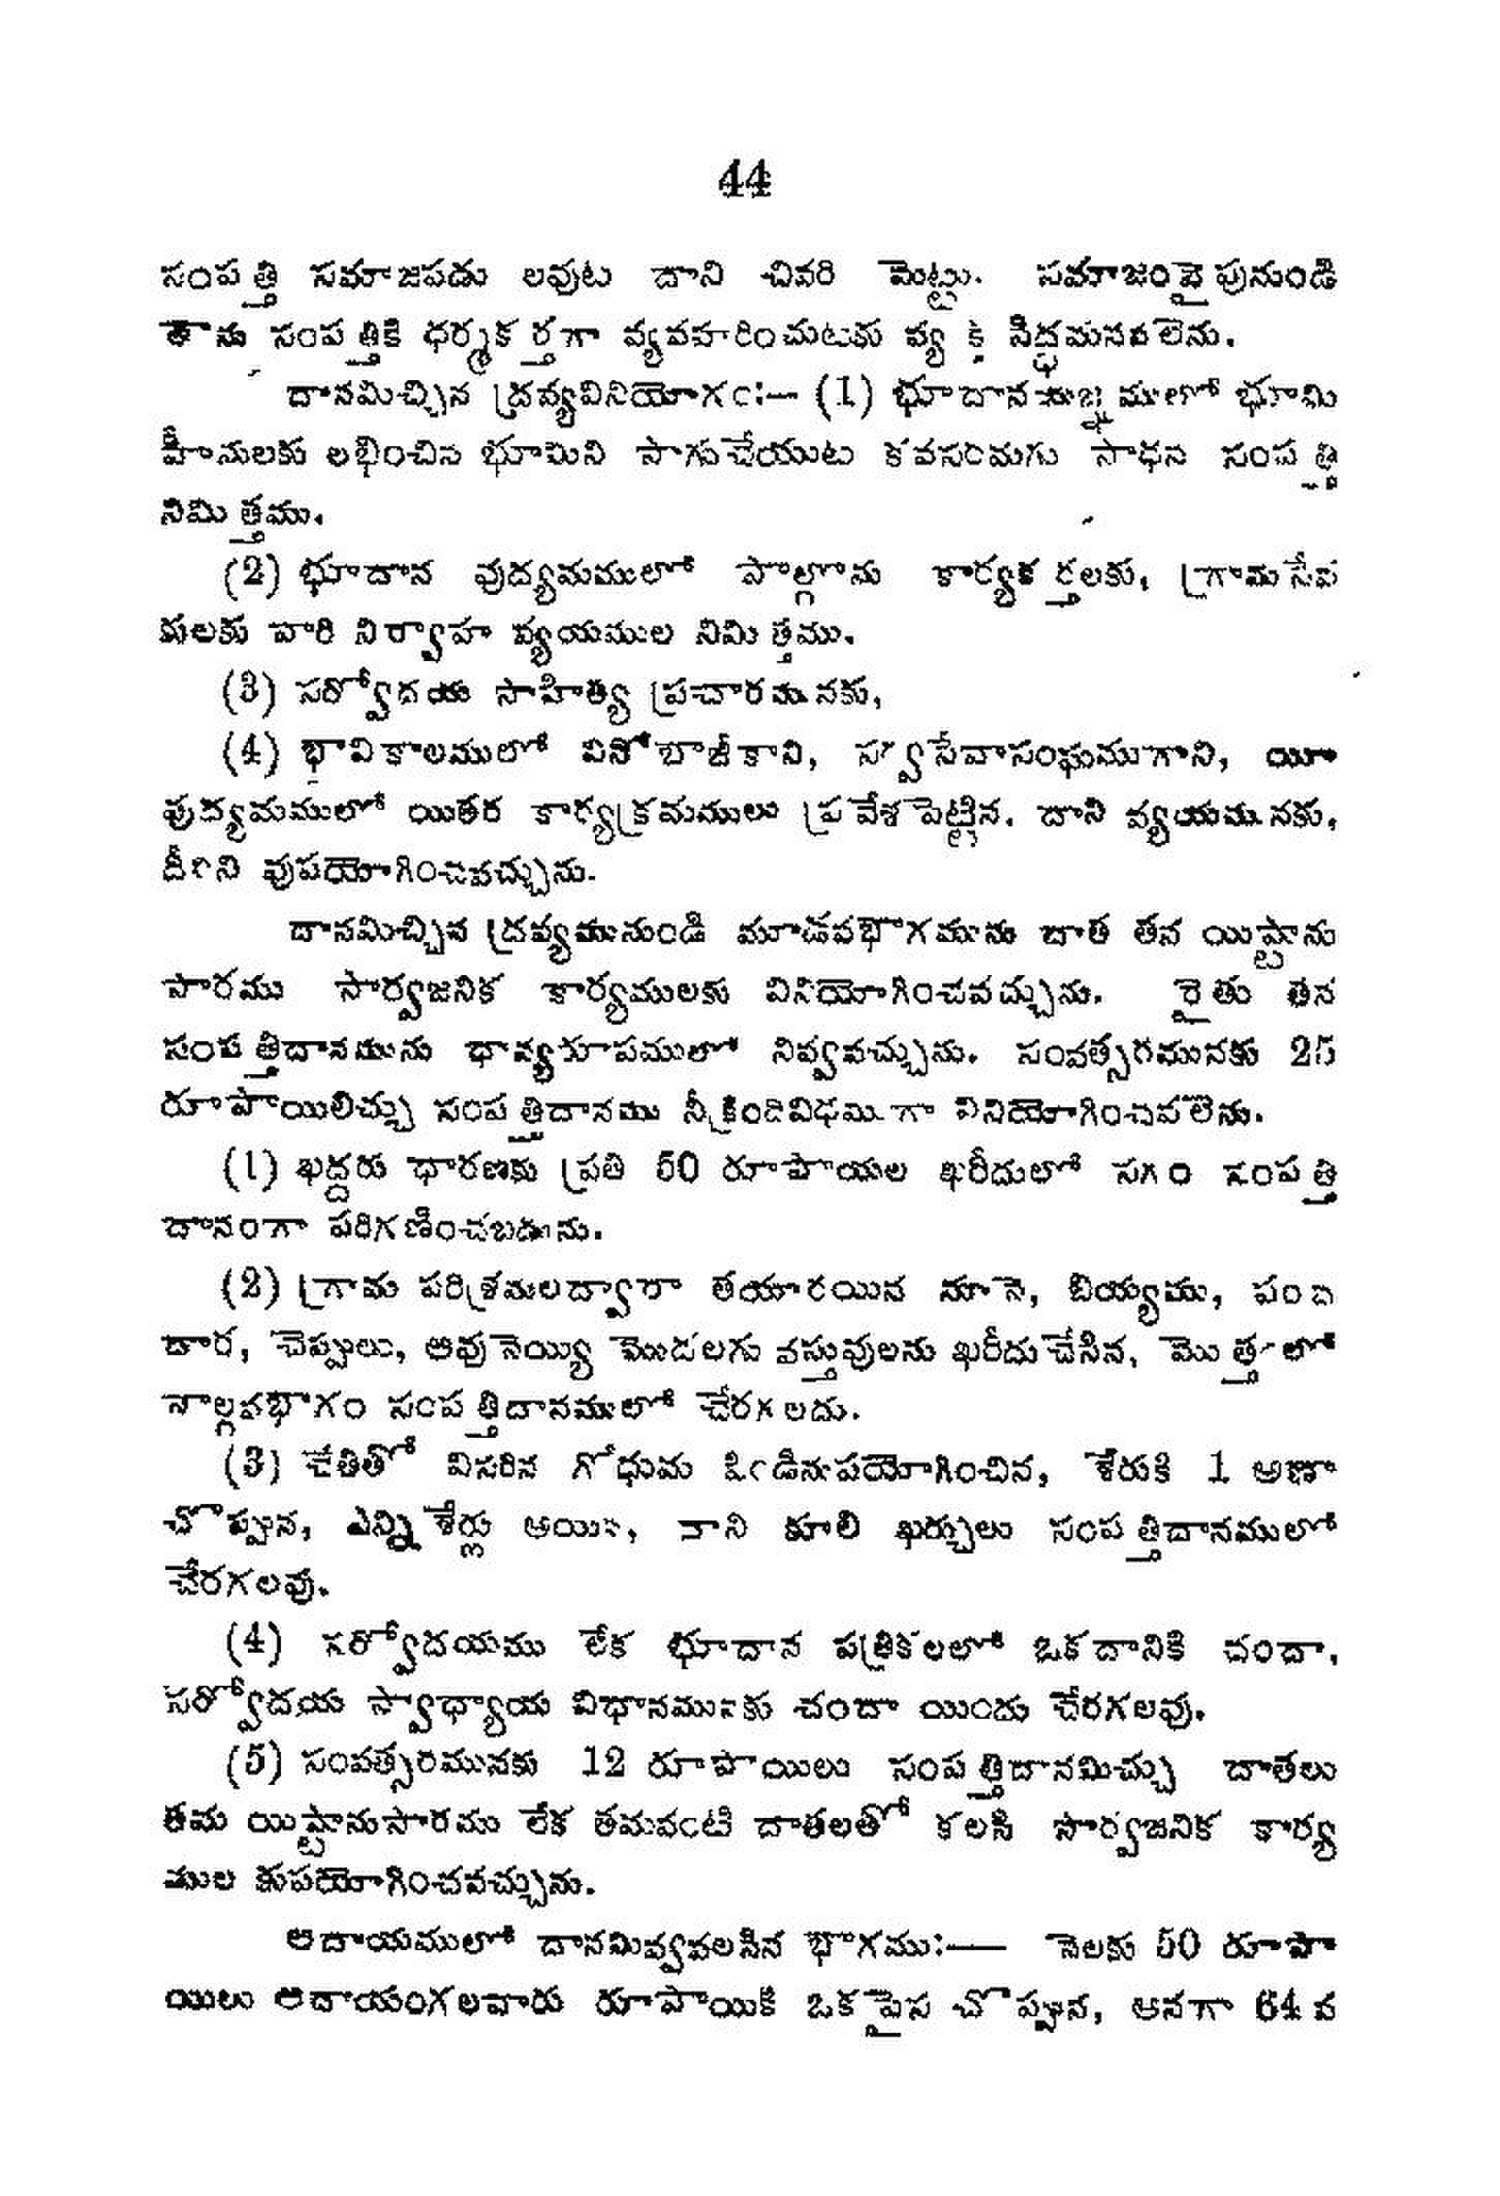సంపత్తి సమాజపడు లవుట దాని చివరి మెట్టు. సమాజంవైపునుండి తాను సంపత్తికి ధర్మకర్తగా వ్యవహరించుటకు వ్యక్తి సిద్దమనవలెను.

దానమిచ్చిన ద్రవ్యవినియోగం:- 

(1) భూదానయజ్ఞములో భూమిహీనులకు లభించిన భూమిని సాగుచేయుట కవసరమగు సాధన సంపత్తి నిమిత్తము.

(2) భూదాన వుద్యమములో పాల్గొను కార్యకర్తలకు, గ్రామసేపకులకు వారి నిర్వాహ వ్యయముల నిమిత్తము.

(3) సర్వోదయ సాహిత్య ప్రచారమునకు.

(4) భావికాలములో వినోబాజీకాని, సర్వసేవాసంఘముగాని, యీ వుద్యమములో యితర కార్యక్రమములు ప్రవేశపెట్టిన. దాని వ్యయమునకు, దీనిని వుపయోగించవచ్చును.

దానమిచ్చిన ద్రవ్యమునుండి మూడవభాగమును దాత తన యిష్టానుసారము సార్వజనిక కార్యములకు వినియోగించవచ్చును. రైతు తన సంపత్తిదానమును ధాన్యరూపములో నివ్వవచ్చును. సంవత్సరమునకు 25 రూపాయిలిచ్చు సంపత్తిదానము నీక్రిందివిధముగా వినియోగించవలెను.

(1) ఖద్దరు ధారణకు ప్రతి 50 రూపాయల ఖరీదులో సగం సంపత్తి దానంగా పరిగణించబడును.

(2) గ్రామ పరిశ్రమలద్వారా తయారయిన నూనె, బియ్యము, పంచదార, చెప్పులు, ఆవునెయ్యి మొదలగు వస్తువులను ఖరీదుచేసిన, మొత్తంలో నాల్గవభాగం సంపత్తిదానములో చేరగలదు.

(3) చేతితో విసరిన గోధుమ పిండినుపయోగించిన, శేరుకి 1 అణా చొప్పున, ఎన్ని శేర్లు ఆయిన, దాని కూలి ఖర్చులు సంపత్తిదానములో చేరగలవు.

(4) సర్వోదయము లేక భూదాన పత్రికలలో ఒకదానికి చందా, సర్వోదయ స్వాధ్యాయ విధానమునకు చందా యిందు చేరగలవు.

(5) సంవత్సరమునకు 12 రూపాయిలు సంపత్తిదానమిచ్చు దాతలు తమ యిష్టానుసారము లేక తమవంటి దాతలతో కలసి సార్వజనిక కార్యముల కుపయోగించవచ్చును.

ఆదాయములో దానమివ్వవలసిన భాగము:-- నెలకు 50 రూపాయిలు ఆదాయంగలవారు రూపాయికి ఒక పెస చొప్పున, అనగా 64 వ